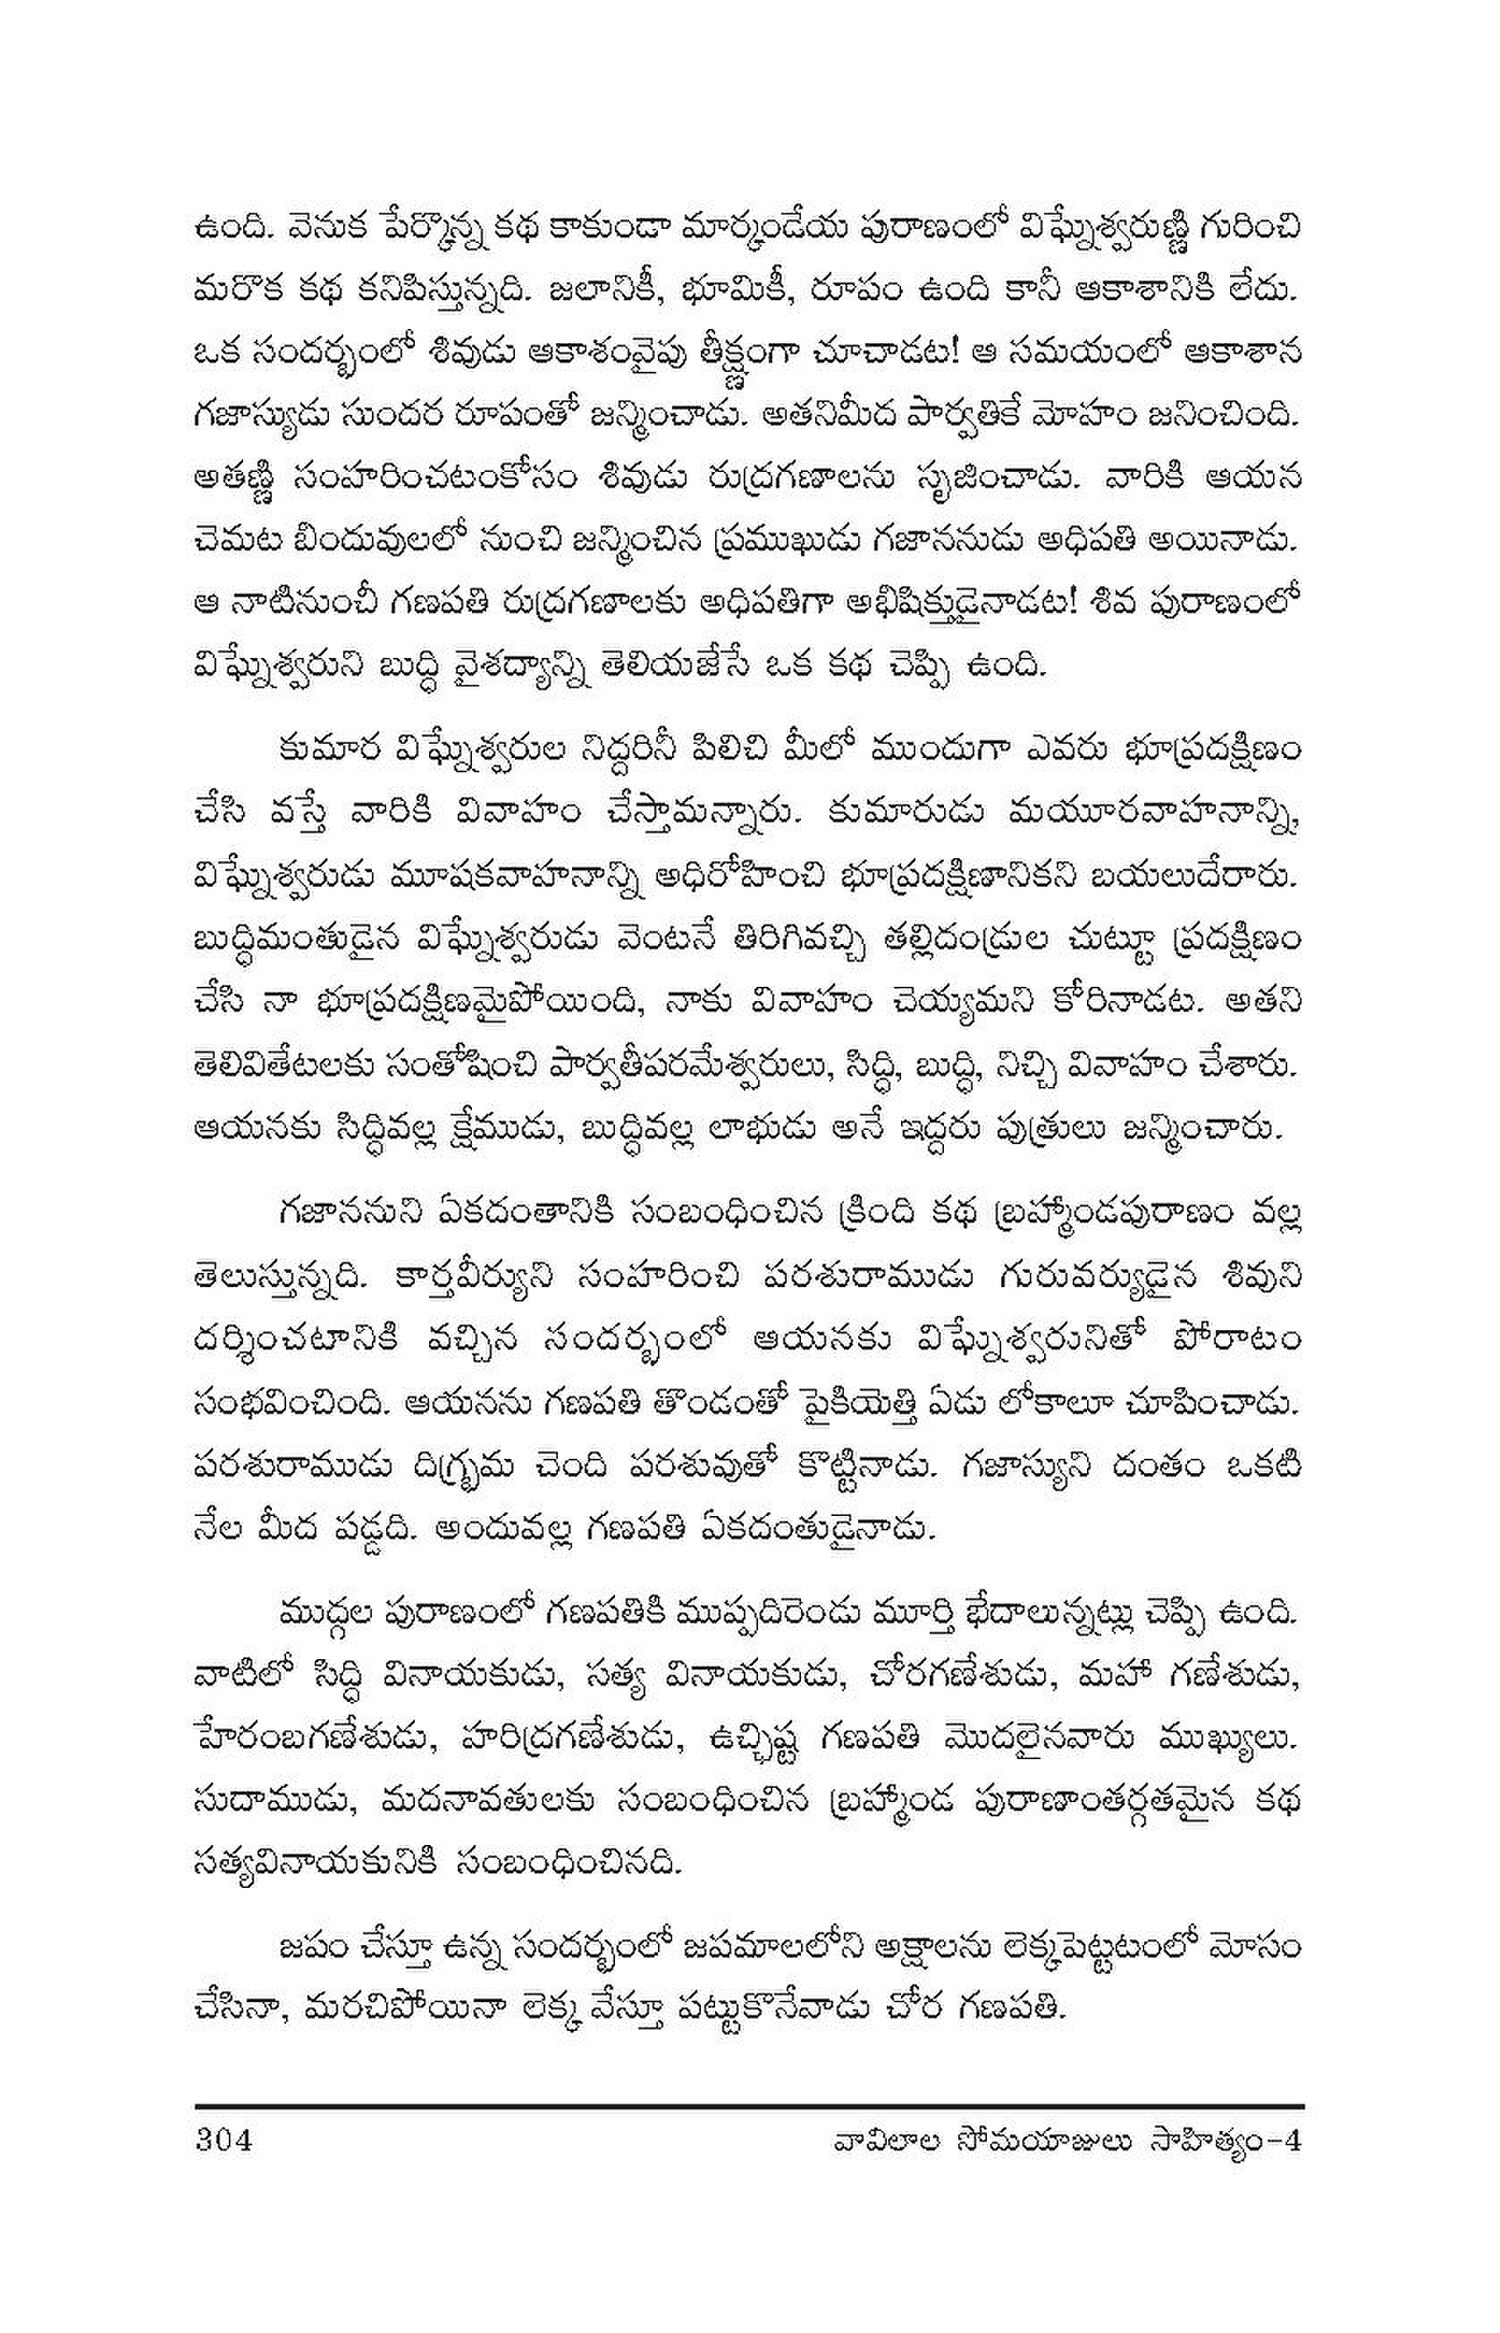ఉంది. వెనుక పేర్కొన్న కథ కాకుండా మార్కండేయ పురాణంలో విఘ్నేశ్వరుణ్ణి గురించి
మరొక కథ కనిపిస్తున్నది. జలానికీ, భూమికీ, రూపం ఉంది కానీ ఆకాశానికి లేదు.
ఒక సందర్భంలో శివుడు ఆకాశంవైపు తీక్షంగా చూచాడట! ఆ సమయంలో ఆకాశాన
గజాస్యుడు సుందర రూపంతో జన్మించాడు. అతనిమీద పార్వతికే మోహం జనించింది.
అతణ్ణి సంహరించటంకోసం శివుడు రుద్రగణాలను సృజించాడు. వారికి ఆయన
చెమట బిందువులలో నుంచి జన్మించిన ప్రముఖుడు గజాననుడు అధిపతి అయినాడు.
ఆ నాటినుంచీ గణపతి రుద్రగణాలకు అధిపతిగా అభిషిక్తుడైనాడట! శివ పురాణంలో
విఘ్నేశ్వరుని బుద్ధి వైశద్యాన్ని తెలియజేసే ఒక కథ చెప్పి ఉంది.

కుమార విఘ్నేశ్వరుల నిద్దరినీ పిలిచి మీలో ముందుగా ఎవరు భూప్రదక్షిణం
చేసి వస్తే వారికి వివాహం చేస్తామన్నారు. కుమారుడు మయూరవాహనాన్ని,
విఘ్నేశ్వరుడు మూషకవాహనాన్ని అధిరోహించి భూప్రదక్షిణానికని బయలుదేరారు.
బుద్ధిమంతుడైన విఘ్నేశ్వరుడు వెంటనే తిరిగివచ్చి తల్లిదండ్రుల చుట్టూ ప్రదక్షిణం
చేసి నా భూప్రదక్షిణమైపోయింది, నాకు వివాహం చెయ్యమని కోరినాడట. అతని
తెలివితేటలకు సంతోషించి పార్వతీపరమేశ్వరులు, సిద్ధి, బుద్ధి, నిచ్చి వివాహం చేశారు.
ఆయనకు సిద్ధివల్ల క్షేముడు, బుద్దివల్ల లాభుడు అనే ఇద్దరు పుత్రులు జన్మించారు.

గజాననుని ఏకదంతానికి సంబంధించిన క్రింది కథ బ్రహ్మాండపురాణం వల్ల
తెలుస్తున్నది. కార్తవీర్యుని సంహరించి పరశురాముడు గురువర్యుడైన శివుని
దర్శించటానికి వచ్చిన సందర్భంలో ఆయనకు విఘ్నేశ్వరునితో పోరాటం
సంభవించింది. ఆయనను గణపతి తొండంతో పైకియెత్తి ఏడు లోకాలూ చూపించాడు.
పరశురాముడు దిగ్భ్రామ చెంది పరశువుతో కొట్టినాడు. గజాస్యుని దంతం ఒకటి
నేల మీద పడ్డది. అందువల్ల గణపతి ఏకదంతుడైనాడు.

ముద్గల పురాణంలో గణపతికి ముప్పదిరెండు మూర్తి భేదాలున్నట్లు చెప్పి ఉంది.
వాటిలో సిద్ధి వినాయకుడు, సత్య వినాయకుడు, చోరగణేశుడు, మహా గణేశుడు,
హేరంబగణేశుడు, హరిద్రగణేశుడు, ఉచ్ఛిష్ట గణపతి మొదలైనవారు ముఖ్యులు.
సుదాముడు, మదనావతులకు సంబంధించిన బ్రహ్మాండ పురాణాంతర్గతమైన కథ
సత్యవినాయకునికి సంబంధించినది.

జపం చేస్తూ ఉన్న సందర్భంలో జపమాలలోని అక్షాలను లెక్కపెట్టటంలో మోసం
చేసినా, మరచిపోయినా లెక్క వేస్తూ పట్టుకొనేవాడు చోర గణపతి.